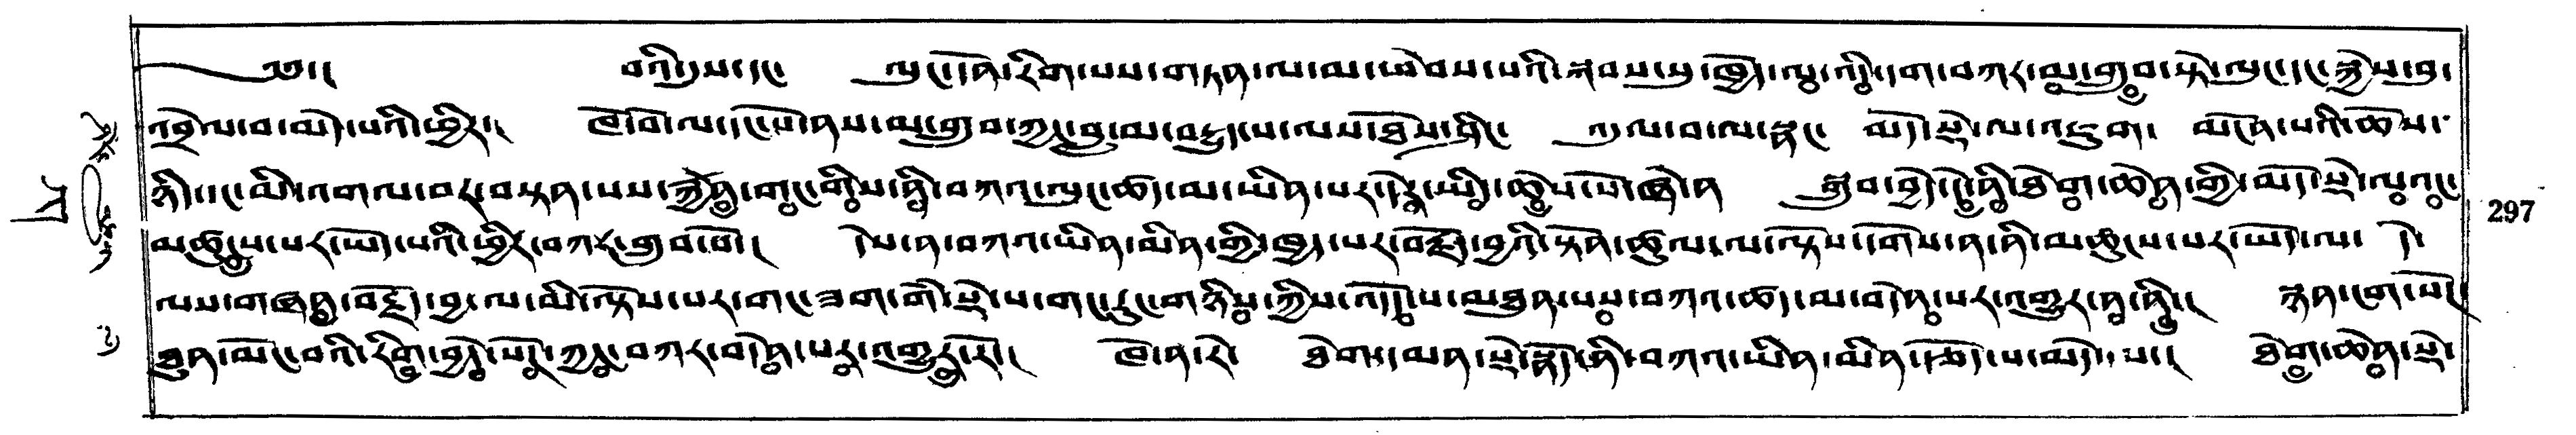བའི་དུས་དང་། ལུང་དོན་རིགས་པས་གཏན་ལ་མ་ཕེབས་པའི་སྐབས་སུ་ཁྱོད་ལ་འདི་དག་བཀར་མ་གྲུབ་སྟེ་ལུང་དང་སྐྱེས་བུ་
འབྲེལ་བ་མེད་པའི་ཕྱིར། ཁོ་བོ་ལ་དང་པོ་ནས་མ་གྲུབ་ཀྱང་བླ་མ་བརྒྱུད་པ་ལས་ཐོས་ཤིང་། འདུལ་བ་ལ་སྣང་། མདོ་སྡེ་ལ་འཇུག མངོན་པའི་ཆོས་
ཉིད་དང་མི་འགལ་བར་བསྟན་པས་རྐྱེན་གང་གིས་ནི་བཀའ་ལུང་ཚད་མ་ཡིན་པར་དེར་ཡིད་ཆེས་སོ་ཞེ་ན། སྒྲུབ་བྱེད་དེ་ནི་ཐེག་ཆེན་གྱི་མདོ་སྡེ་ལའང་
མཚུངས་པར་ཡོད་པའི་ཕྱིར་བཀར་གྲུབ་བོ། དེས་ན་བཀའ་ཡིན་མིན་གྱི་ཁྱད་པར་བརྗོད་བྱའི་སྟོན་ཚུལ་ལ་ལྟོས་དགོས་ན་ནི་མཚུངས་པར་ཡོད་ལ། དེ་
ལས་གཞན་བརྗོད་བྱ་ལ་མི་ལྟོས་པར་གང་ཟག་གམ་སྡེ་པ་གང་རུང་གཉིས་ཀྱིས་འདོད་པ་མཐུན་པས་བཀའ་ཚད་མ་བདེན་པར་འགྱུར་ན་ནི། སྙན་ངག་སོགས་
ཐུན་མོང་བའི་རིག་བྱེད་སོགས་ཀྱང་བཀར་བདེན་པར་འགྱུར་རོ། ཁོ་ན་རེ། ཐེག་དམན་གྱི་སྡེ་སྣོད་ནི་བཀའ་ཡིན་མིན་རྩོད་པ་མེད་ལ། ཐེག་ཆེན་གྱི་སྡེ་